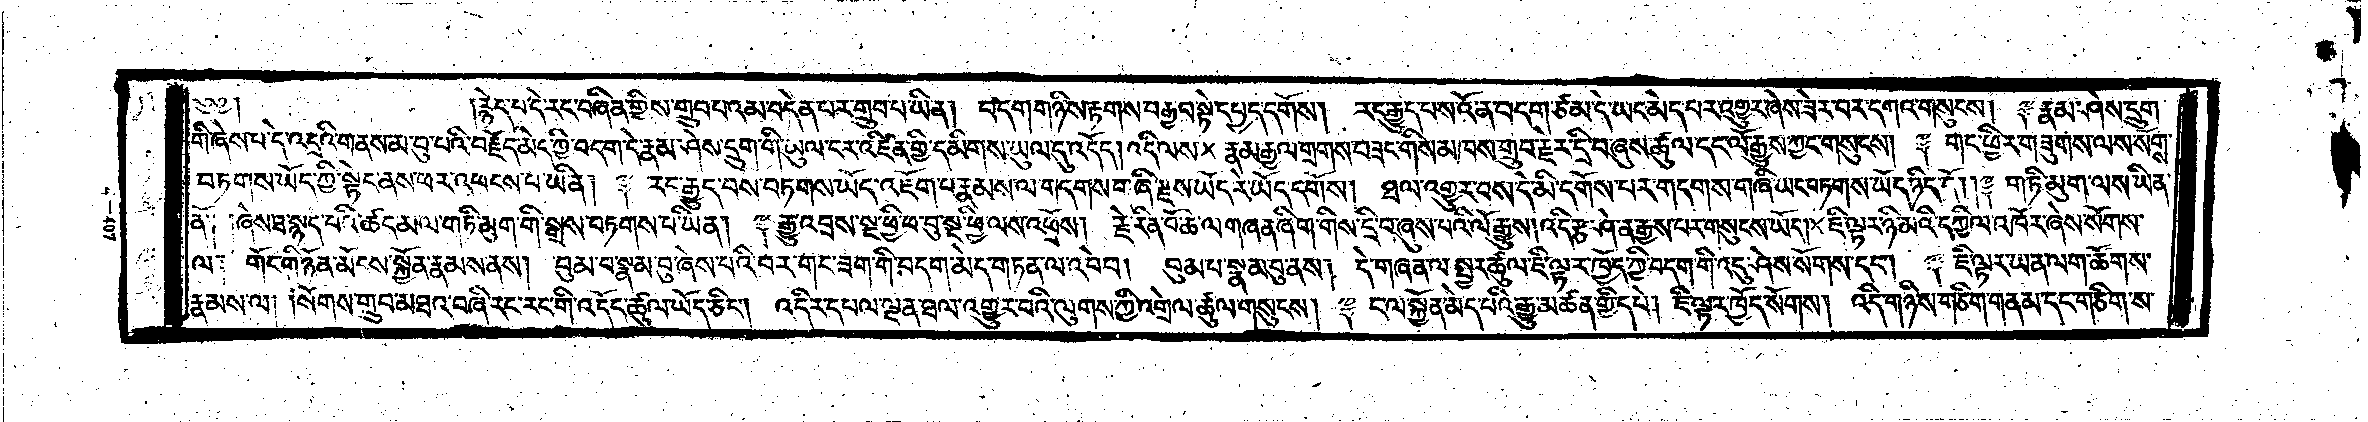༄༅། །རྙེད་པ་དེ་རང་བཞིན་གྱིས་གྲུབ་པའམ་བདེན་པར་གྲུབ་པ་ཡིན། བདག་གཉིས་རྟགས་བརྒྱབ་སྟི་དཔྱད་དགོས། རང་རྒྱུད་པས་འོ་ན་བདག་ཙམ་དེ་ཡང་མེད་པར་འགྱུར་ཞེས་ཟེར་བར་དགའ་གསུངས། ༈ རྣམ་ཤེས་དྲུག་
གི་ཞེས་པ་དེ་འདྲའི་གནས་མ་བུ་པའི་བརྗོད་མེད་ཀྱི་བདག་དེ་རྣམ་ཤེས་དྲུག་གི་ཡུལ་ངར་འཛིན་གྱི་དམིགས་ཡུལ་དུ་འདོད། འདི་ལས་྾་རྣམ་རྒྱལ་གྲགས་བཟང་གིས་མཁས་གྲུབ་རྗེར་དི་བ་ཞུས་ཚུལ་དང་ལོ་རྒྱུས་ཀྱང་གསུངས། ༈ གང་ཕྱིར་གཟུགས་ལས་སོགས་
བཏགས་ཡོད་ཀྱི་སྟེང་ནས་ཕར་འཕངས་པ་ཡིན། ༈ རང་རྒྱུད་བས་བཏགས་ཡོད་འཇོག་པ་རྣམས་ལ་གདགས་གཞི་རྫས་ཡོད་རེ་ཡོད་དགོས། ཐལ་འགྱུར་བས་དེ་མི་དགོས་པར་གདགས་གཞི་ཡང་བཏགས་ཡོད་ཉིད་དོ། །༈ གཏི་མུག་ལས་ཡིན་
ནོ། །ཞེས་ཐ་སྙད་པའི་ཚད་མལ་གཏི་མུག་གི་སྒྲས་བཏགས་པ་ཡིན། ༈ རྒྱུ་འབྲས་སྔ་ཕྱི་ཕ་བུ་སྔ་ཕྱི་ལས་འཕྲོས། རྗེ་རིན་པོ་ཆེ་ལ་གཞན་ཞིག་གིས་དྲི་བ་ཞུས་པའི་ལོ་རྒྱུས། འདི་རྩ་ཤེ་ན་རྒྱས་པར་གསུངས་ཡོད། ྾་ཇི་ལྟར་ཉི་མའི་དཀྱིལ་འཁོར་ཞེས་སོགས་
ལ༑ གོང་གི་ཉོན་མོངས་སྐྱོན་རྣམས་ནས། བུམ་བ་སྣམ་བུ་ཞེས་པའི་བར་གང་ཟག་གི་བདག་མེད་གཏན་ལ་འབེབ། བུམ་པ་སྣམ་བུ་ནས། དེ་གཞན་ལ་སྤྱར་ཚུལ་ཇི་ལྟར་ཁྱོད་ཀྱི་བདག་གི་འདུ་ཤེས་སོགས་དང་། ༈ ཇི་ལྟར་ཡན་ལག་ཚོགས་
རྣམས་ལ། །སོགས་གྲུབ་མཐའ་བཞི་རང་རང་གི་འདོད་ཚུལ་ཡོད་ཅིང་། འདིར་དཔལ་ལྡན་ཐལ་འགྱུར་བའི་ལུགས་ཀྱི་འགྲེལ་ཚུལ་གསུངས། ༈ ངལ་སྐྱོན་མེད་པའི་རྒྱུ་མཚན་གྱི་དཔེ། ཇི་ལྟར་ཁྱོད་སོགས། འདི་གཉིས་གཅིག་གནམ་དང་གཅིག་ས་